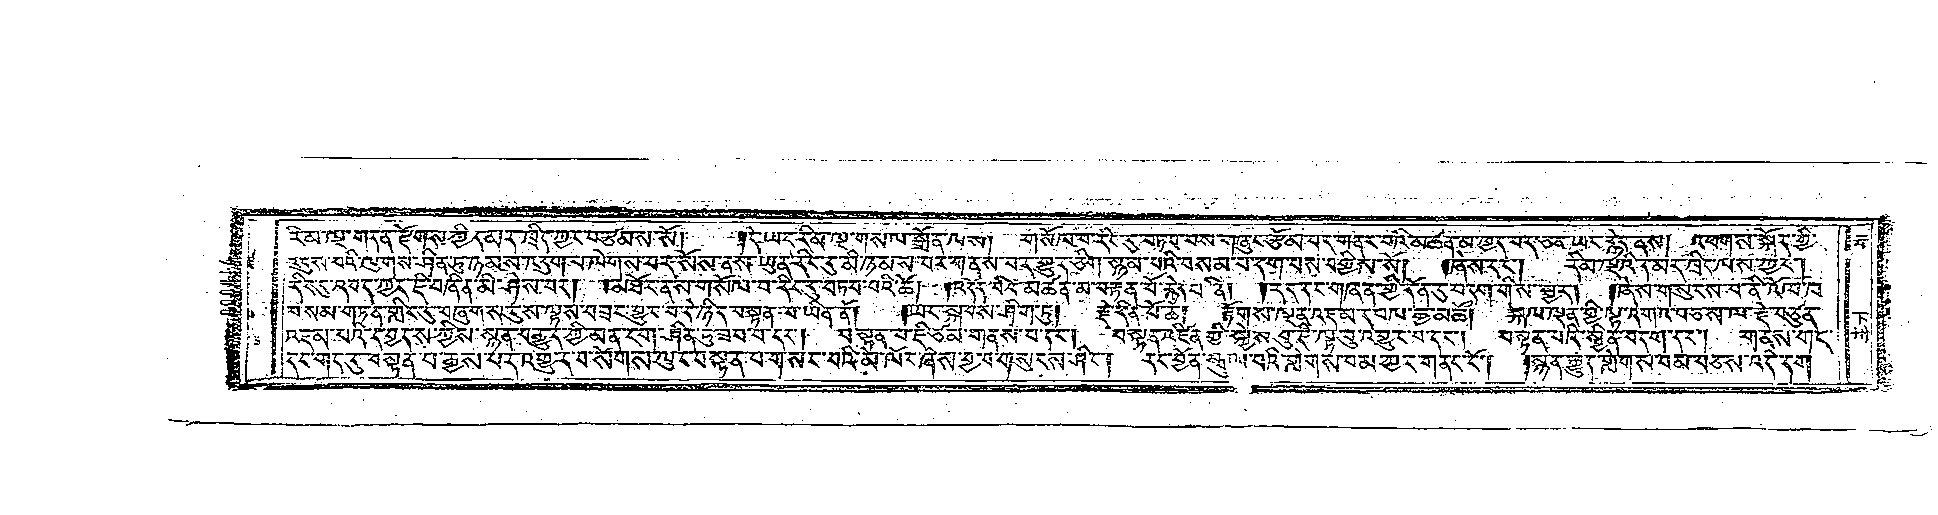རིམ་ལྔ་གདན་རྫོགས་ཀྱི་དམར་ཁྲིད་ཀྱང་བརྩམས་སོ། །དེ་ཡང་རིམ་ལྔ་གསལ་སྒྲོན་ལས། གསོལ་བ་རིང་དུ་བཏབ་པས་གཞུང་རྩོམ་པར་གནང་བའི་མཚན་མ་ཁྱད་པར་ཅན་ཡང་རྙེད་ནས། འཕགས་སྐོར་གྱི་
འདུས་པའི་ལུགས་ཤིན་ཏུ་ཉམས་འདུག་པ་ལེགས་པར་སོས་ནས་ཡུན་རིང་དུ་མི་ཉམས་པར་གནས་བར་གྱུར་ཅིག་སྙམ་པའི་བསམ་པ་དག་པས་བགྱིས་སོ། །ཞེས་དང་། རིམ་ལྔའི་དམར་ཁྲིད་ལས་ཀྱང་།
རིང་དུ་འབད་ཀྱང་ཇི་བཞིན་མི་ཤེས་པར། །མཐོང་ནས་གསོལ་བ་རིང་དུ་བཏབ་པའི་ཚེ། །འདོད་པའི་མཚན་མ་བརྟན་པོ་རྙེད་པ་ནི། །རང་དང་གཞན་གྱི་དོན་དུ་བདག་གིས་སྦྱར། །ཞེས་གསུངས་པ་ནི་འོལ་ཁ་
བསམ་གཏན་གླིང་དུ་བཞུགས་དུས་ལྟས་བཟང་བྱུང་པ་དེ་ཉིད་བསྟན་པ་ཡིན་ནོ། །ཡང་སྐབས་ཤིག་ཏུ། རྗེ་རིན་པོ་ཆེ། རྟོགས་ལྡན་འཇམ་དཔལ་རྒྱ་མཚོ། སྐལ་ལྡན་གྱི་ལྷ་འགའ་བཅས་ལ་རྗེ་བཙུན་
འཇམ་པའི་དབྱངས་ཀྱིས་སྙན་བརྒྱུད་ཀྱི་མན་ངག་ཤིན་ཏུ་ཟབ་པ་དང་། བསྟན་པ་ཇི་ཙམ་གནས་པ་དང་། བསྟན་འཛིན་གྱི་སྐྱེས་བུ་ཇི་ལྟ་བུ་འབྱུང་བ་དང་། བསྟན་པའི་སྦྱིན་བདག་དང་། གནས་གང་
དང་གང་དུ་བསྟན་པ་རྒྱས་པར་འགྱུར་བ་སོགས་ལུང་བསྟན་པ་གསང་བའི་མེ་ལོང་ཞེས་བྱ་བ་གསུངས་ཤིང་། རང་བྱོན་སྤྲུལ་བའི་གླེགས་བམ་ཀྱང་གནང་ངོ། །སྙན་རྒྱུད་གླེགས་བམ་བཅས་འདི་དག་